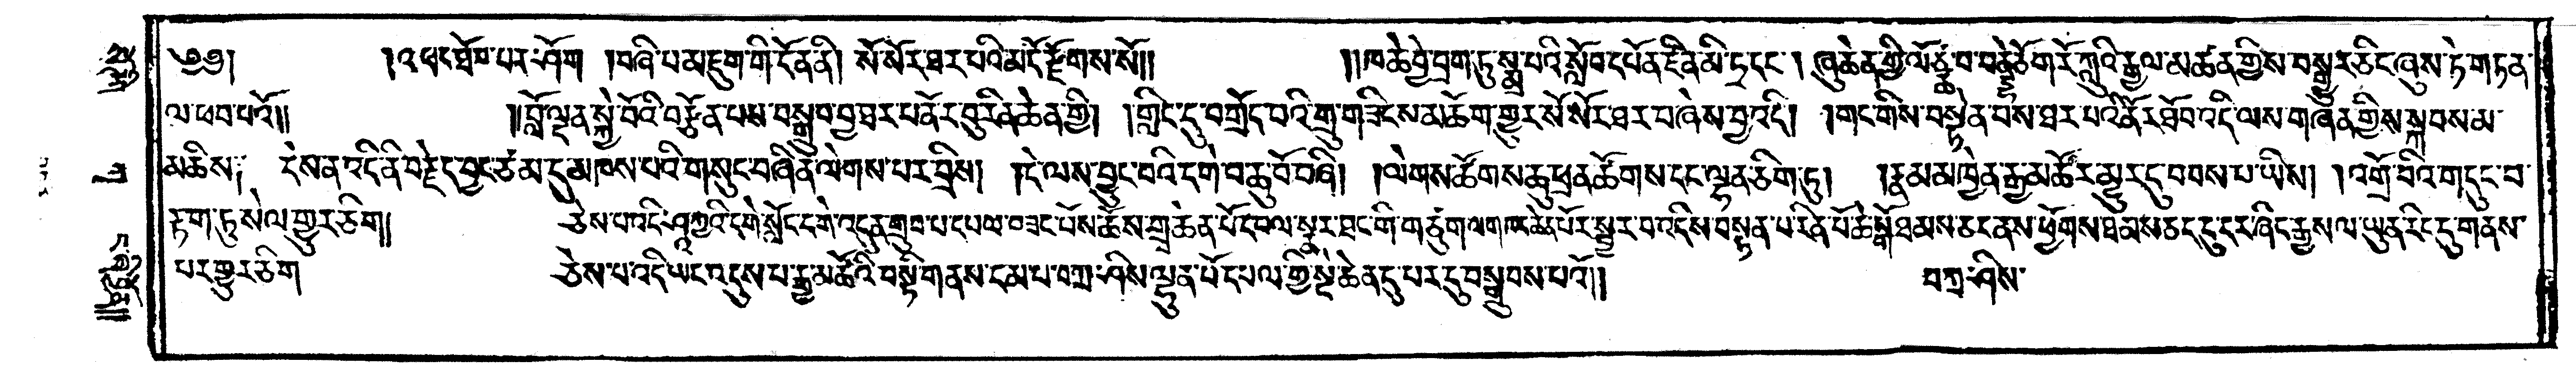༄༅། །འཕང་ཐོབ་པར་ཤོག །བཞི་པ་མཇུག་གི་དོན་ནི། སོ་སོར་ཐར་པའི་མདོ་རྫོགས་སོ།། །།ཁ་ཆེ་བྱེ་བྲག་ཏུ་སྨྲ་པའི་སློབ་དཔོན་ཛིན་མི་ཏྲ་དང་། ཞུ་ཆེན་གྱི་ལོཙྪ་བ་བནྡྷེ་ཅོག་རོ་ཀླུའི་རྒྱལ་མཚན་གྱིས་བསྒྱུར་ཅིང་ཞུས་ཏེ་གཏན་
ལ་ཕབ་པའོ།། །།བློ་ལྡན་སྐྱེ་བོའི་བརྩོན་པས་བསྒྲུབ་བྱ་ཐར་པ་ནོར་བུ་རིན་ཆེན་གྱི། །གླིང་དུ་བགྲོད་བའི་གྲུ་གཟིངས་མཆོག་གྱུར་སོ་སོར་ཐར་པ་ཞེས་བྱ་འདི། །གང་གིས་བསྟེན་པས་ཐར་པའི་ནོར་ཐོབ་འདི་ལས་གཞན་གྱིས་སྐབས་མ་
མཆིས༑ དེས་ན་འདི་ནི་བརྗེད་བྱང་ཙམ་དུ་མཁས་པའི་གསུང་བཞིན་ལེགས་པར་བྲིས། །དེ་ལས་བྱུང་བའི་དགེ་བ་ཆུ་བོ་བཞི། །ལེགས་ཚོགས་ཆུ་ཕྲན་ཚོགས་དང་ལྷན་ཅིག་ཏུ། །རྣམ་མཁྱེན་རྒྱ་མཚོར་མྱུར་དུ་བབས་པ་ཡིས། །འགྲོ་བའི་གདུང་བ་
རྟག་ཏུ་སེལ་གྱུར་ཅིག། ཅེས་པ་འདི་ཤཱཀྱའི་དགེ་སློང་དགེ་འདུན་གྲུབ་པ་དཔལ་བཟང་པོས་ཆོས་གྲྭ་ཆེན་པོ་དཔལ་སྣར་ཐང་གི་གཙུག་ལག་ཁང་ཆེན་པོར་སྦྱར་བ་འདིས་བསྟན་པ་རིན་པོ་ཆེ་སྒོ་ཐམས་ཅད་ནས་ཕྱོགས་ཐམས་ཅད་དུ་དར་ཞིང་རྒྱས་ལ་ཡུན་རིང་དུ་གནས་
པར་གྱུར་ཅིག་ཅེས་པ་འདི་ཡང་འདུས་པ་རྒྱ་མཚོའི་བསྟི་གནས་དམ་པ་བཀྲ་ཤིས་ལྷུན་པོ་དཔལ་གྱི་སྡེ་ཆེན་དུ་པར་དུ་བསྒྲུབས་པའོ།། བཀྲ་ཤིས་